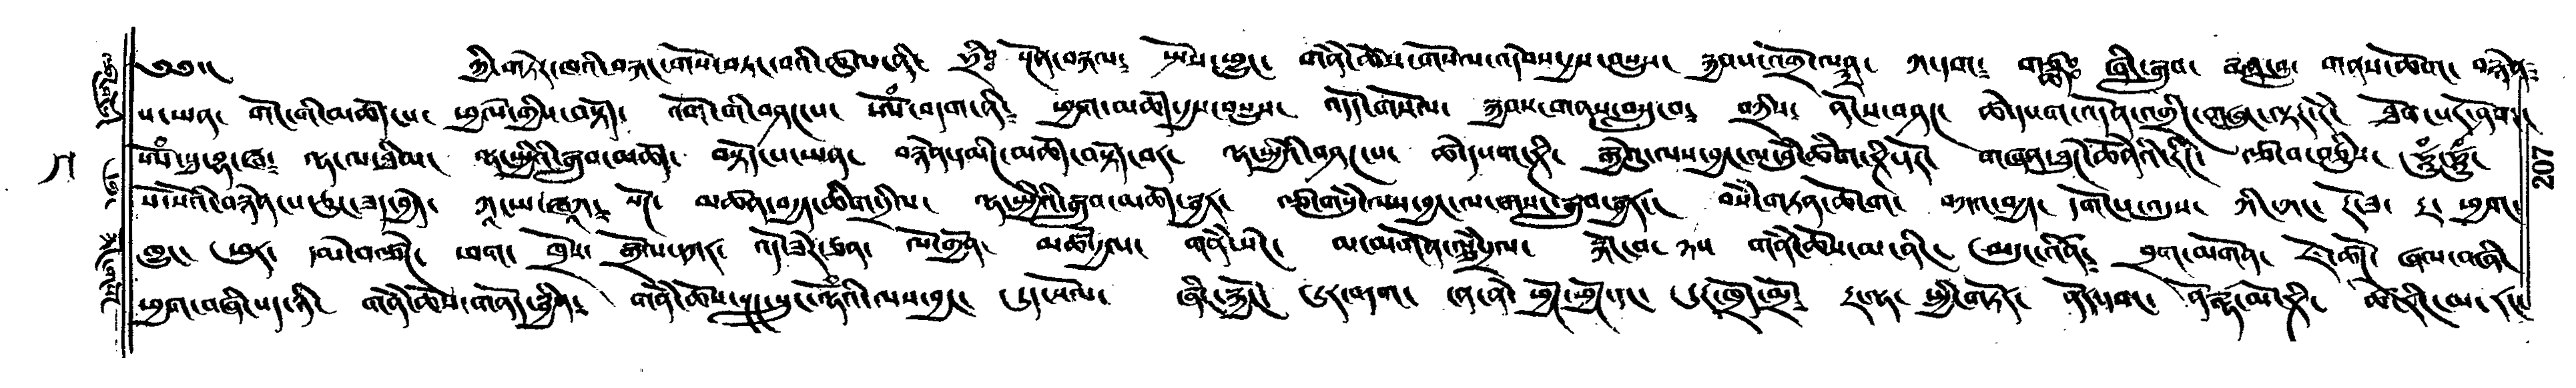ཀྱི་གཏེར་ཁའི་བསྐང་གསོ་གཏོང་བའིཚུལ་ནི། ཧྲཱིཿ སྔོན་བསྐལ༴ སྤོས་ཕྱུང་། གནམ་ཆོས་གསོལ་འདེབས་རྒྱས་བསྡུས། སྐྱབས་འགྲོ་ལན་གསུམ ། ཀ་དག༴ གཙྪ༔ ཞིང་སྒྲུབ། སྨན་བླ། གནས་ཆོག སྙེན་
པ་ཡན། གོང་གི་མཆོད་པ། ཕྱག་འཚལ་གྱིས་བསྟོད། འོག་གི་བཤགས་པ། ཨོཾ༔བདག་ནི༴ ཕྱག་མཆོད་རྒྱས་བསྡུས། འདོད་གསོལ། སྐྱབས་གནས་བསླུ་བ༴ བཀྲ་ཤིས། ནོངས་བཤགས། ཚེ་དཔག་འདོན་འགྲིགས་གཞུང་ལྟར་རམ། ཐོབ་པར་ཤོག༴ 
ཨོཾ་སྭ་བྷ་ཝ༴ ལྷ་ལ་ཐིམ༴ ལྷ་སྤྱིའི་སྒྲུབ་མཆོད། བསྟོད་པ་ཡན། བསྙེན་དམིགས་མཆོད་བསྟོད་བར། ལྷ་སྤྱིའི་བཤགས་པ། ཚེ་དཔག་རིགས། སྒྱེའུ་ལས་བྱང་ལ་བུམ་ཚིག་རིགས་དོར། གཞན་ཐུགས་ཆེ་ཆེན་པོའི་རིགས། རྩ་བ་བཅུ་གཉིས། ཧཱུྃ་ཧཱུྃ༔ 
སོ་སོའི་སྙེན་པ་ཅུང་ཟད་བྱེད། ཀཱ་ཡ་ཝཱཀ༴ སོགས། མཚན་བརྒྱད་ཆིག་དྲིལ། ལྷ་སྤྱིའི་སྒྲུབ་མཆོད་སྦྱར། རྩ་གསུམ་ལས་བྱང་གསང་སྒྲུབ་སྦྱར། བསམ་གཏན་ཆོ་ག བཀའ་བརྒྱད། དགོངས་འདུས། ཀིང་ཀང་། རོ་ཟ། རྟ་ཕྱག་
ཁྱུང་གསུམ། ཕུར་པ། དམེ་བརྩེགས། ཕག ཁྲོས། སྒྲོལ་དཀར། འོད་ཟེར་ཅན། ལོ་གྱོན། མཚོ་རྒྱལ། གནམ་སེང་། མ་མགོན་ལྕམ་དྲལ། སྐོང་བ་ཉེར་ལྔ། གནམ་ཆོས་མ་ནིང་། མདུང་འཛིན། བྲག་མགོན། ཇོ་བོ་ཚོགས་བདག ཞལ་བཞི་
ཕྱག་བཞི་པད་ཉི༴ གནམ་ཆོས་གནོད་སྦྱིན།གནམ་ཆོས་སྔགས་སྲུང་ལྷ་མོའི་ལས་བྱང་། དུད་སོལ། ཞིང་སྐྱོང་། དུར་བདག ངན་ནེ། ཕྱོགས་ཕྱོགས༴ དང་། དུར་ཁྲོད་མཁའ་འགྲོ༴ རྟ་ལྷ། སྤྱི་གཏོར། ནོར་དབང་། ནོར་ལྷ་མོ་རིགས། ཚེ་རིང་མ། རང་